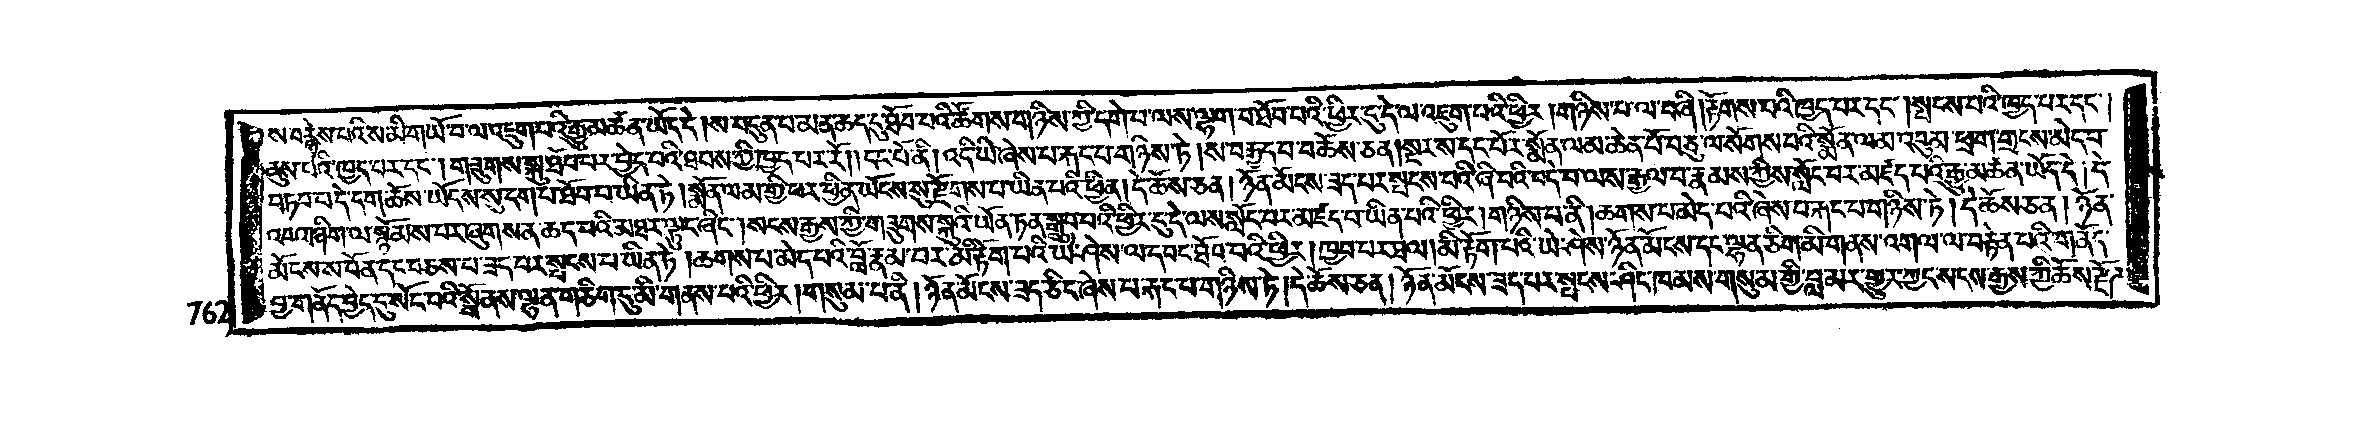ས་བརྙེས་པའི་ས་མི་གཡོ་བ་ལ་འཇུག་པའི་རྒྱུ་མཚན་ཡོད་དེ། ས་བདུན་པ་མན་ཆད་དུ་ཐོབ་པའི་ཚོགས་གཉིས་ཀྱི་དགེ་བ་ལས་ལྷག་པ་ཐོབ་པའི་ཕྱིར་དུ་དེ་ལ་འཇུག་པའི་ཕྱིར། གཉིས་པ་ལ་བཞི། རྟོགས་པའི་ཁྱད་པར་དང་། སྤངས་པའི་ཁྱད་པར་དང་།
ནུས་པའི་ཁྱད་པར་དང་། གཟུགས་སྐུ་ཐོབ་པར་བྱེད་པའི་ཐབས་ཀྱི་ཁྱད་པར་རོ། །དང་པོ་ནི། འདི་ཡི་ཞེས་པ་རྐང་པ་གཉིས་ཏེ། ས་བརྒྱད་པ་བ་ཆོས་ཅན། སྔར་ས་དང་པོར་སྨོན་ལམ་ཆེན་པོ་བཅུ་ལ་སོགས་པའི་སྨོན་ལམ་འབུམ་ཕྲག་གྲངས་མེད་པ་
བཏབ་པ་དེ་དག་ཆོས་ཡོངས་སུ་དག་པ་ཐོབ་པ་ཡིན་ཏེ། སྨོན་ལམ་གྱི་ཕར་ཕྱིན་ཡོངས་སུ་རྫོགས་པ་ཡིན་པའི་ཕྱིར། དེ་ཆོས་ཅན། ཉོན་མོངས་ཟད་པར་སྤངས་པའི་ཞི་བའི་བདེ་བ་ལས་རྒྱལ་བ་རྣམས་ཀྱིས་སློང་བར་མཛད་པའི་རྒྱུ་མཚན་ཡོད་དེ། དེ་
འབའ་ཞིག་ལ་སྙོམས་པར་ཞུགས་ན་ཆད་པའི་མཐར་ལྟུང་ཞིང་། སངས་རྒྱས་ཀྱི་གཟུགས་སྐུའི་ཡོན་ཏན་སྒྲུབ་པའི་ཕྱིར་དུ་དེ་ལས་སློང་བར་མཛད་པ་ཡིན་པའི་ཕྱིར། གཉིས་པ་ནི། ཆགས་པ་མེད་པའི་ཞེས་པ་རྐང་པ་གཉིས་ཏེ། དེ་ཆོས་ཅན། ཉོན་
མོངས་ས་བོན་དང་བཅས་པ་ཟད་པར་སྤངས་པ་ཡིན་ཏེ། ཆགས་པ་མེད་པའི་བློ་རྣམ་པར་མི་རྟོག་པའི་ཡེ་ཤེས་ལ་དབང་ཐོབ་པའི་ཕྱིར། ཁྱབ་པར་ཐལ། མི་རྟོག་པའི་ཡེ་ཤེས་ཉོན་མོངས་དང་ལྷན་ཅིག་མི་གནས་འགལ་ལ་བརྟེན་པའི་གནོད་
བྱ་གནོད་བྱེད་དུ་སོང་བའི་སྒོ་ནས་ལྷན་གཅིག་དུ་མི་གནས་པའི་ཕྱིར། གསུམ་པ་ནི། ཉོན་མོངས་ཟད་ཅིང་ཞེས་པ་རྐང་པ་གཉིས་ཏེ། དེ་ཆོས་ཅན། ཉོན་མོངས་ཟད་པར་སྤངས་ཤིང་ཁམས་གསུམ་གྱི་བླ་མར་གྱུར་ཀྱང་སངས་རྒྱས་ཀྱི་ཆོས་རྫོགས་